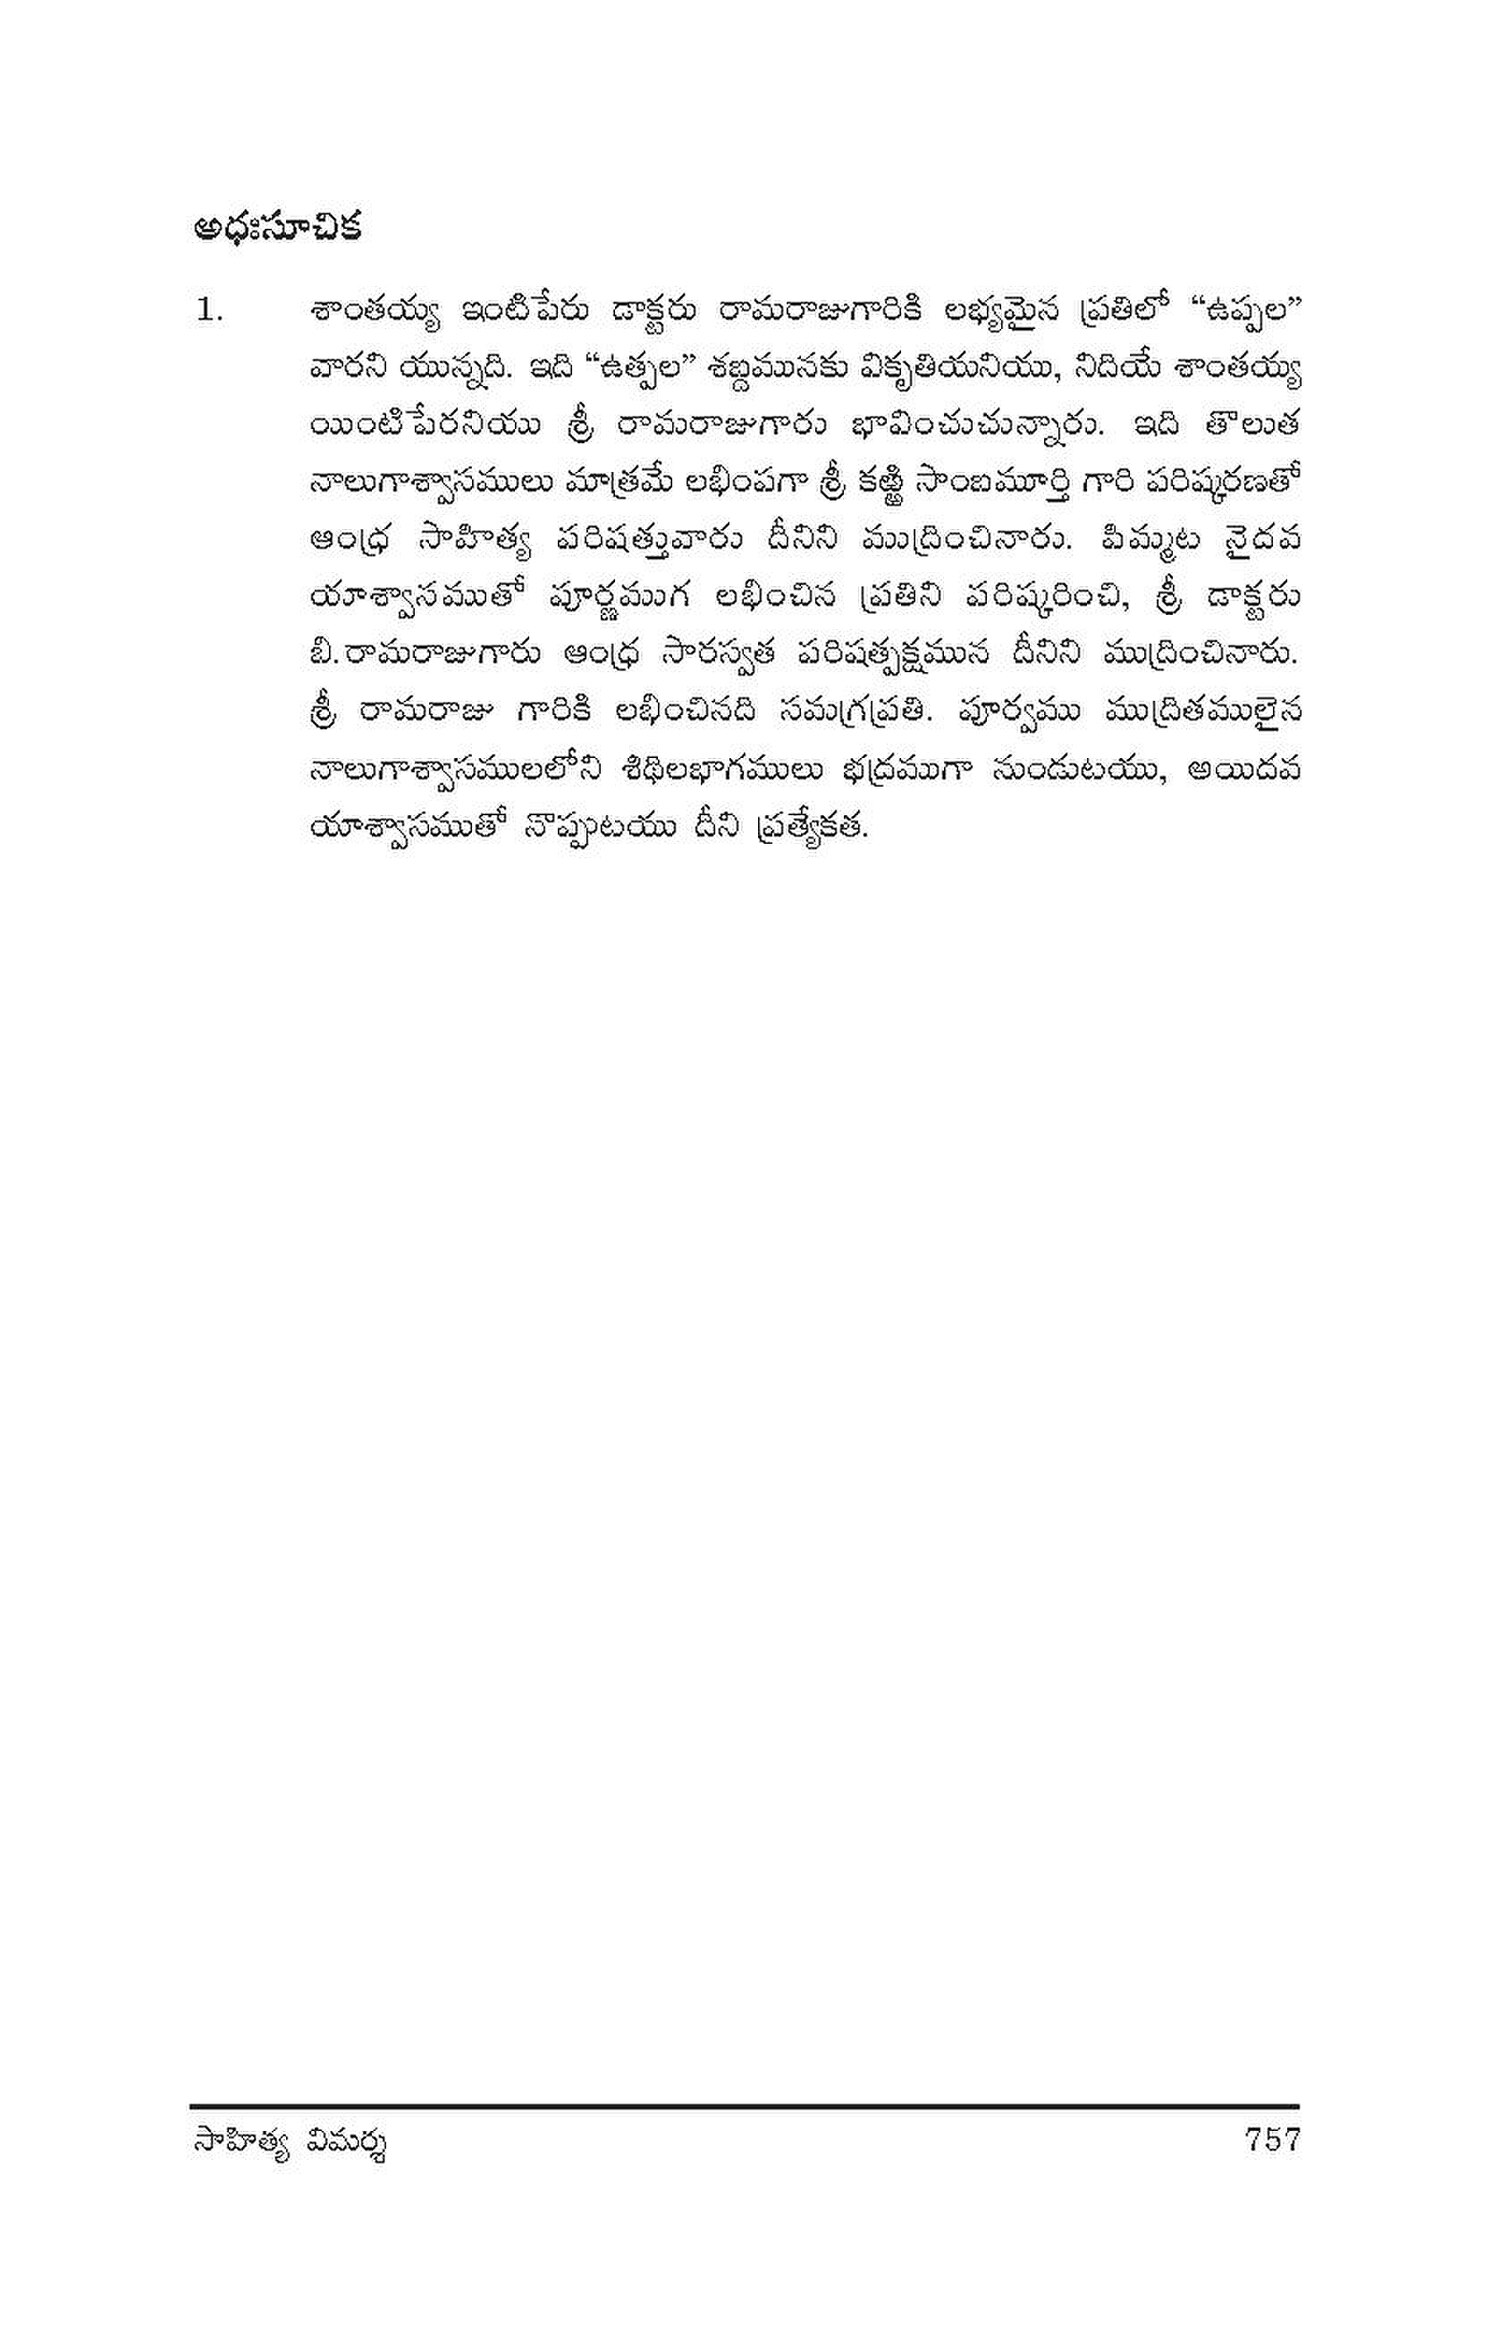అధఃసూచిక
1. శాంతయ్య ఇంటిపేరు డాక్టరు రామరాజుగారికి లభ్యమైన ప్రతిలో "ఉప్పల” వారని యున్నది. ఇది "ఉత్పల” శబ్దమునకు వికృతియనియు, నిదియే శాంతయ్య యింటి పేరనియు శ్రీ రామరాజుగారు భావించుచున్నారు. ఇది తొలుత నాలుగాశ్వాసములు మాత్రమే లభింపగా శ్రీ కట్టి సాంబమూర్తి గారి పరిష్కరణతో ఆంధ్ర సాహిత్య పరిషత్తువారు దీనిని ముద్రించినారు. పిమ్మట నైదవ యాశ్వాసముతో పూర్ణముగ లభించిన ప్రతిని పరిష్కరించి, శ్రీ డాక్టరు బి. రామరాజుగారు ఆంధ్ర సారస్వత పరిషత్పక్షమున దీనిని ముద్రించినారు. శ్రీ రామరాజు గారికి లభించినది సమగ్రప్రతి. పూర్వము ముద్రితములైన నాలుగాశ్వాసములలోని శిథిలభాగములు భద్రముగా నుండుటయు, అయిదవ యాశ్వాసముతో నొప్పుటయు దీని ప్రత్యేకత.